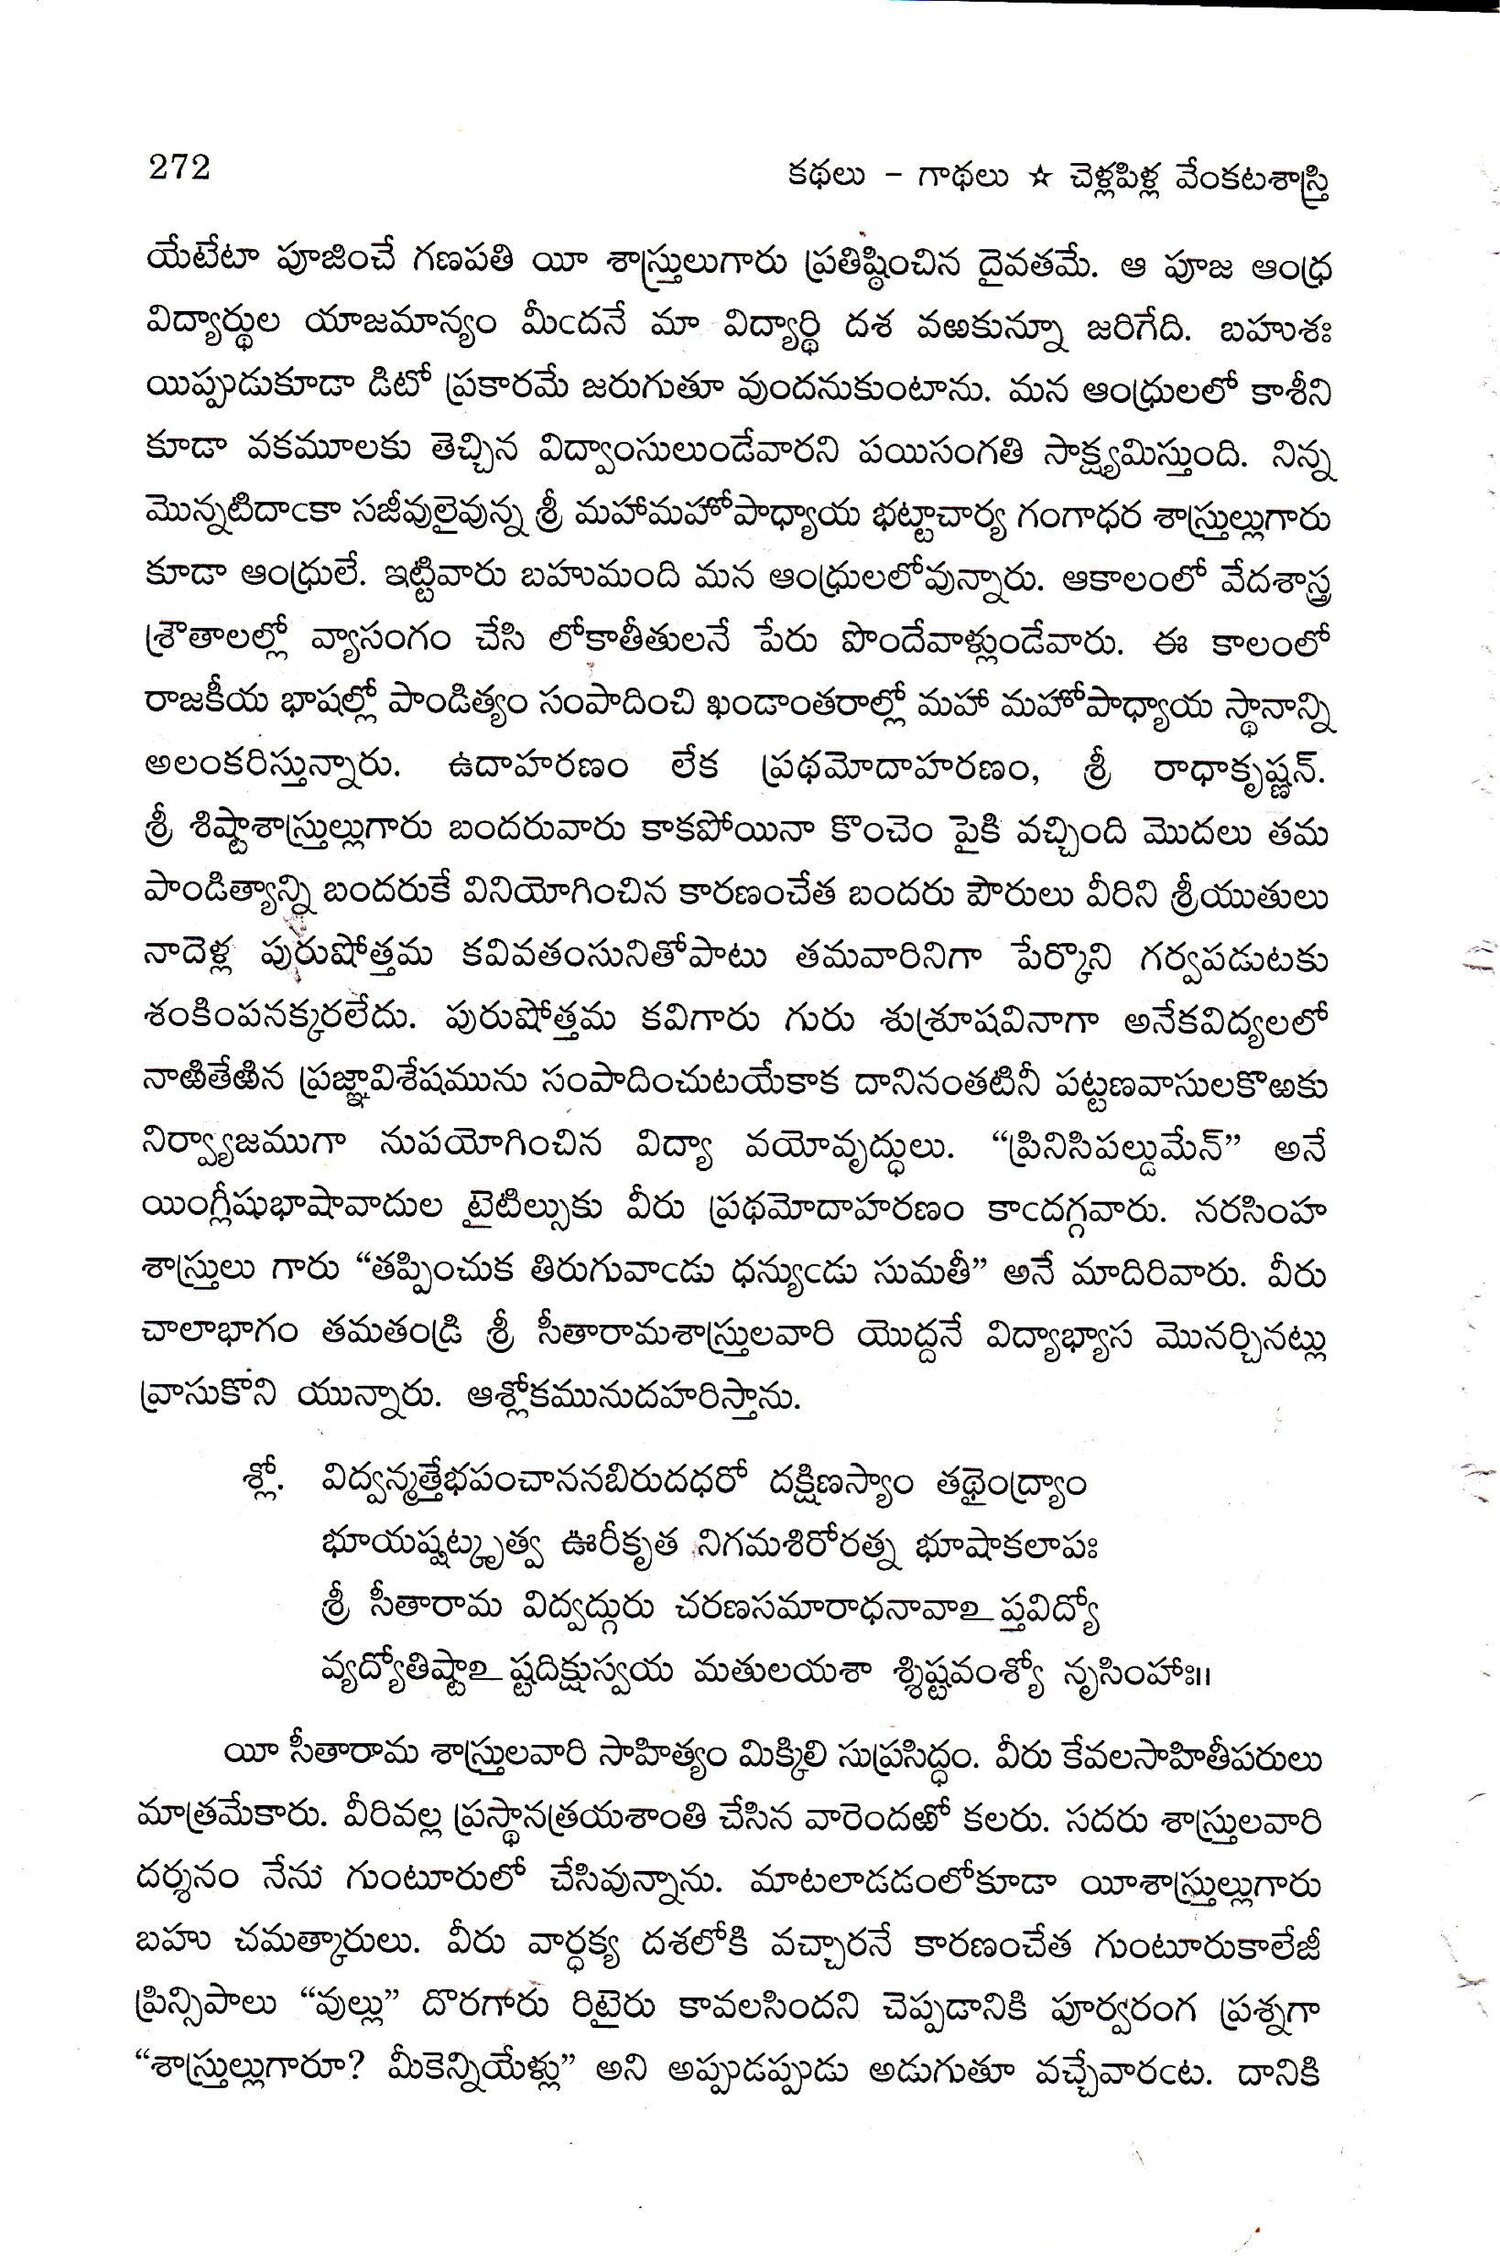యేటేటా పూజించే గణపతి యీ శాస్త్రులుగారు ప్రతిష్ఠించిన దైవతమే. ఆ పూజ ఆంధ్ర విద్యార్థుల యాజమాన్యం మీఁదనే మా విద్యార్థి దశ వఱకున్నూ జరిగేది. బహుశః యిప్పుడుకూడా డిటో ప్రకారమే జరుగుతూ వుందనుకుంటాను. మన ఆంధ్రులలో కాశీని కూడా వకమూలకు తెచ్చిన విద్వాంసులుండేవారని పయిసంగతి సాక్ష్యమిస్తుంది. నిన్న మొన్నటిదాఁకా సజీవులైవున్న శ్రీ మహామహోపాధ్యాయ భట్టాచార్య గంగాధర శాస్త్రుల్లుగారు కూడా ఆంధ్రులే. ఇట్టివారు బహుమంది మన ఆంధ్రులలోవున్నారు. ఆకాలంలో వేదశాస్త్ర శ్రౌతాలల్లో వ్యాసంగం చేసి లోకాతీతులనే పేరు పొందేవాళ్లుండేవారు. ఈ కాలంలో రాజకీయ భాషల్లో పాండిత్యం సంపాదించి ఖండాంతరాల్లో మహా మహోపాధ్యాయ స్థానాన్ని అలంకరిస్తున్నారు. ఉదాహరణం లేక ప్రథమోదాహరణం, శ్రీ రాధాకృష్ణన్. శ్రీ శిష్టాశాస్త్రుల్లుగారు బందరువారు కాకపోయినా కొంచెం పైకి వచ్చింది మొదలు తమ పాండిత్యాన్ని బందరుకే వినియోగించిన కారణంచేత బందరు పౌరులు వీరిని శ్రీయుతులు నాదెళ్ల పురుషోత్తమ కవివతంసునితోపాటు తమవారినిగా పేర్కొని గర్వపడుటకు శంకింపనక్కరలేదు. పురుషోత్తమ కవిగారు గురు శుశ్రూషవినాగా అనేకవిద్యలలో నాఱితేఱిన ప్రజ్ఞావిశేషమును సంపాదించుటయేకాక దానినంతటినీ పట్టణవాసులకొఱకు నిర్వ్యాజముగా నుపయోగించిన విద్యా వయోవృద్ధులు. “ప్రినిసిపల్డుమేన్” అనే యింగ్లీషుభాషావాదుల టైటిల్సుకు వీరు ప్రథమోదాహరణం కాఁదగ్గవారు. నరసింహశాస్త్రులు గారు “తప్పించుక తిరుగువాఁడు ధన్యుఁడు సుమతీ" అనే మాదిరివారు. వీరు చాలాభాగం తమతండ్రి శ్రీ సీతారామశాస్త్రులవారి యొద్దనే విద్యాభ్యాస మొనర్చినట్లు వ్రాసుకొని యున్నారు. ఆశ్లోకమునుదహరిస్తాను.

శ్లో. విద్వన్మత్తేభపంచాననబిరుదధరో దక్షిణస్యాం తథైంద్ర్యాం 
 భూయష్షట్కృత్వ ఊరీకృత నిగమశిరోరత్న భూషాకలాపః 
 శ్రీ సీతారామ విద్వద్గురు చరణసమారాధనావా౽ప్తవిద్యో 
 వ్యద్యోతిష్టా౽ష్టదిక్షుస్వయ మతులయశా శ్శిష్టవంశ్యో నృసింహాః|
యీ సీతారామ శాస్త్రులవారి సాహిత్యం మిక్కిలి సుప్రసిద్ధం. వీరు కేవలసాహితీపరులు మాత్రమేకారు. వీరివల్ల ప్రస్థానత్రయశాంతి చేసిన వారెందఱో కలరు. సదరు శాస్త్రులవారి దర్శనం నేను గుంటూరులో చేసివున్నాను. మాటలాడడంలోకూడా యీశాస్త్రుల్లుగారు బహు చమత్కారులు. వీరు వార్ధక్య దశలోకి వచ్చారనే కారణంచేత గుంటూరుకాలేజీ ప్రిన్సిపాలు “వుల్లు దొరగారు రిటైరు కావలసిందని చెప్పడానికి పూర్వరంగ ప్రశ్నగా “శాస్త్రుల్లుగారూ? మీకెన్నియేళ్లు" అని అప్పుడప్పుడు అడుగుతూ వచ్చేవారఁట. దానికి